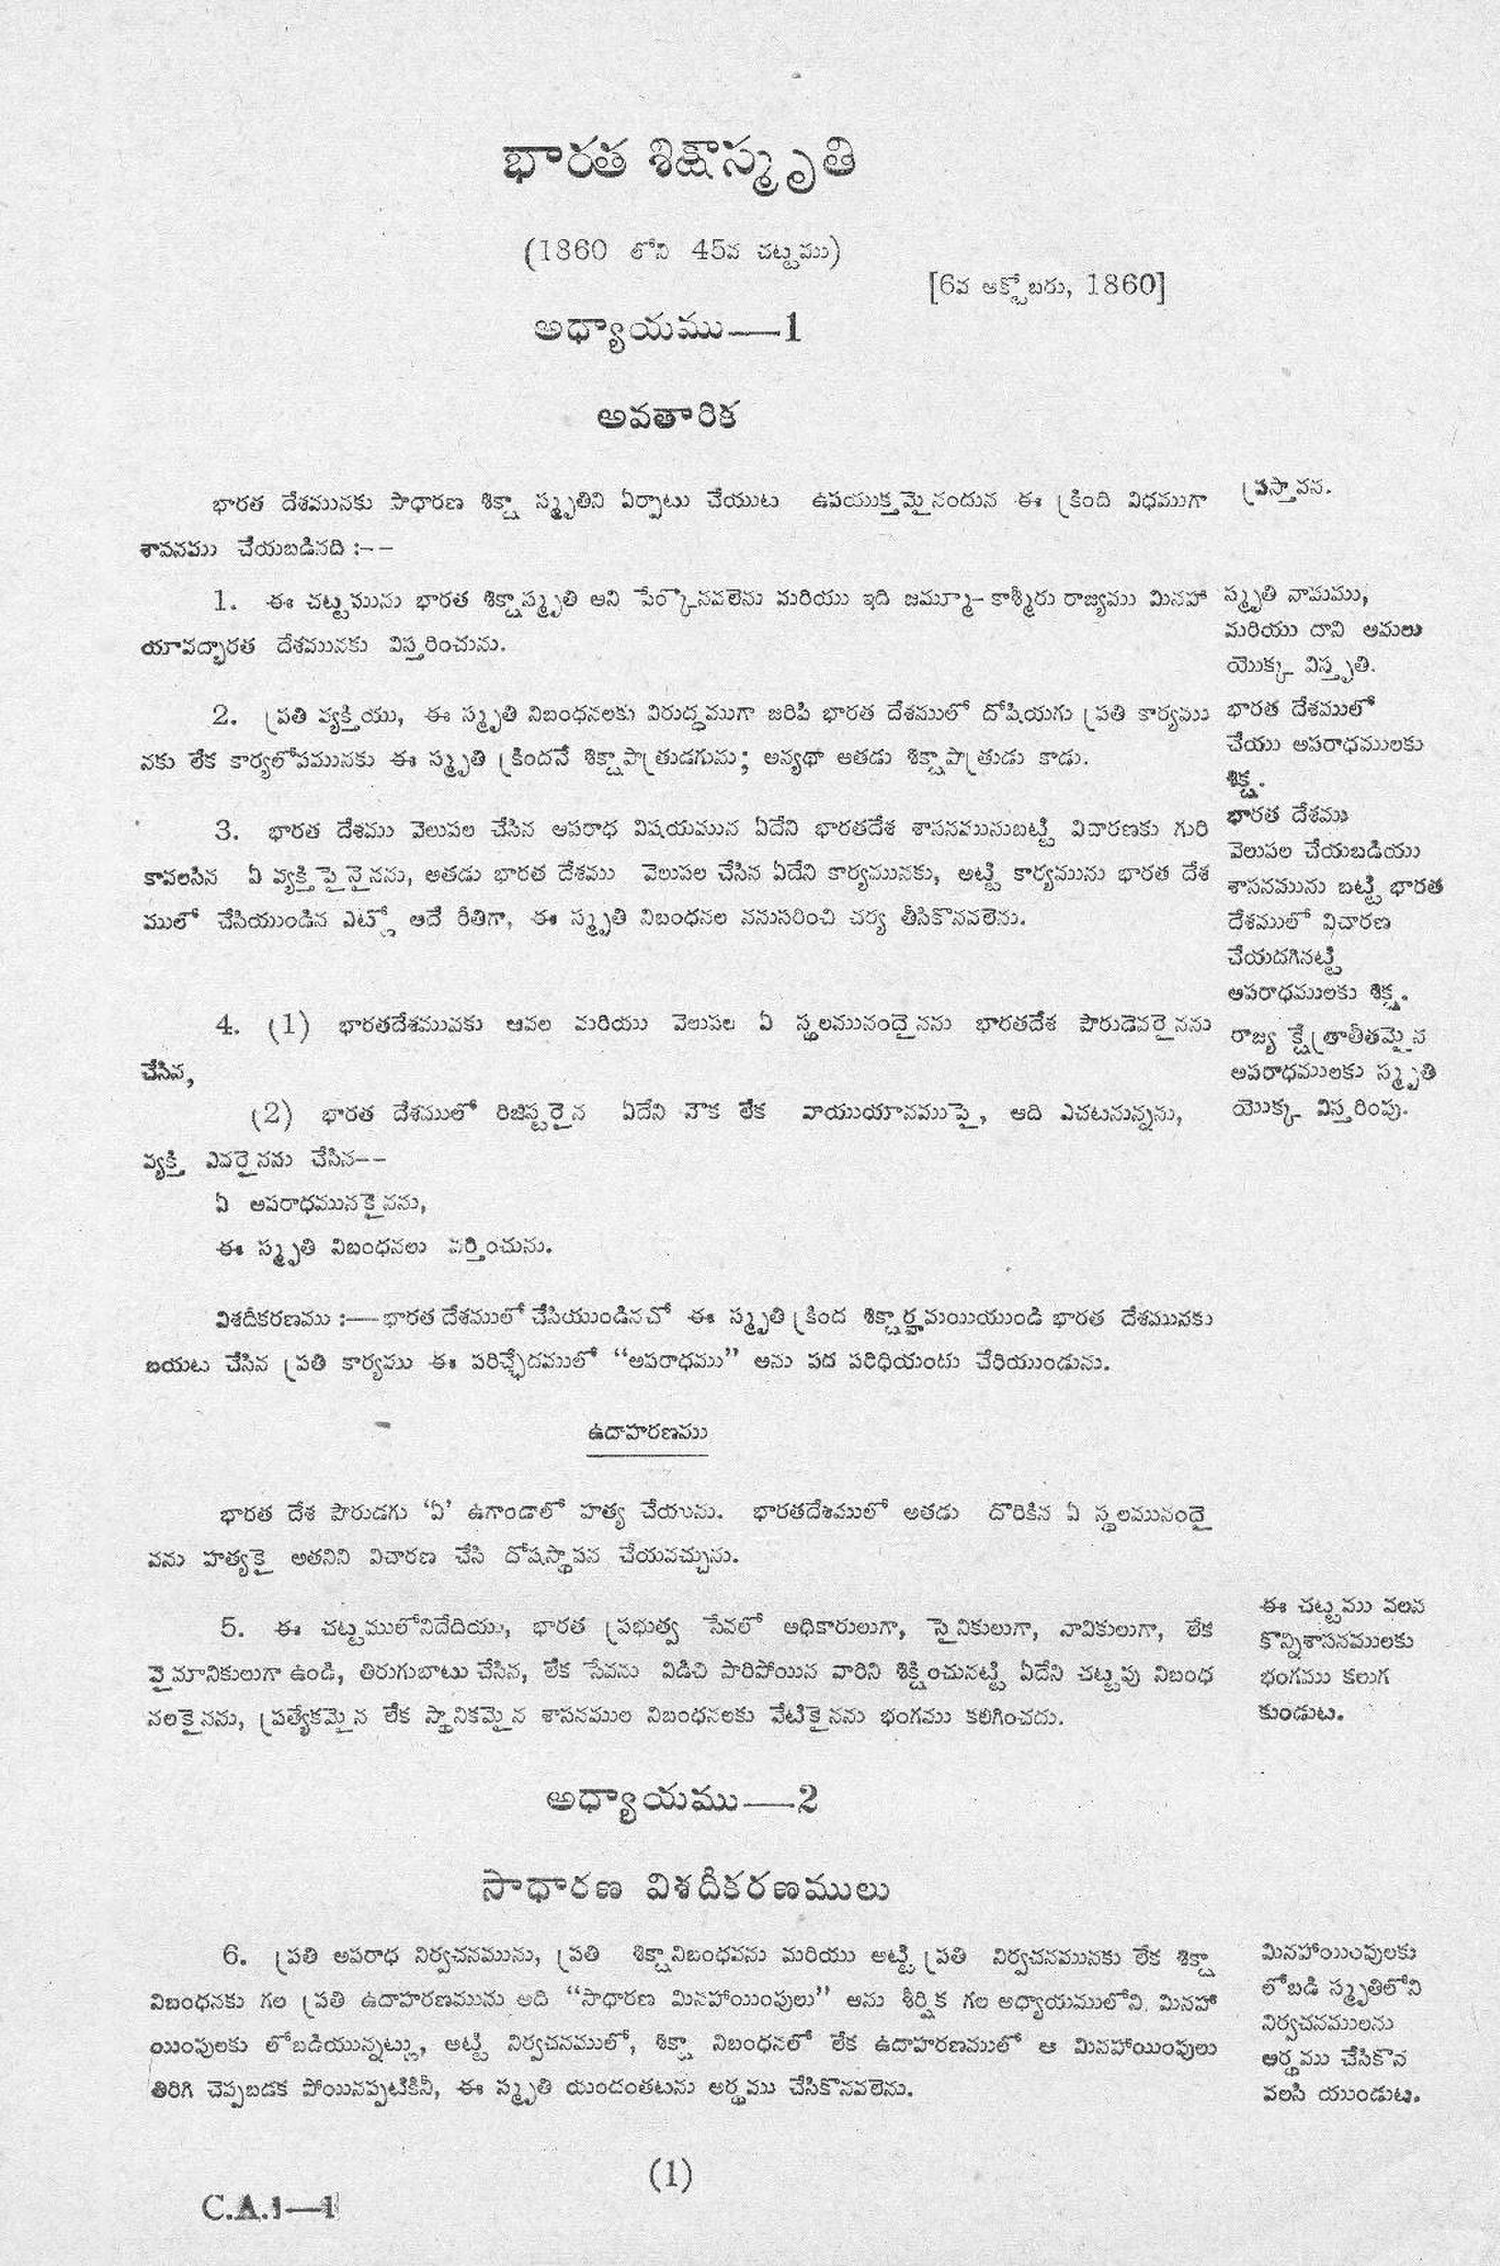ప్రస్తావన,
భారత దేశమునకు సాధారణ శిక్షా స్మృతిని ఏర్పాటు చేయుట ఉపయుక్త మై నందున ఈ క్రింది విధముగా
శాసనము చేయబడినది :--

స్మృతి నామము, మరియు దాని అమలు యొక్క విస్తృతి.

1. ఈ చట్టమును భారత శిక్షాస్మృతి అని పేర్కొనవలెను మరియు ఇది జమ్మూ- కాశ్మీరు రాజ్యము మినహా యావద్భారత దేశమునకు విస్తరించుము.

భారతదేశములో చేయు అపరాధములకు శిక్ష.

2. ప్రతి వ్యక్తియు, ఈ స్మృతి నిబంధనలకు విరుద్ధముగా జరిపి భారత దేశములో దోపియగు ప్రతి కార్యమునకు లేక కార్యలోపమునకు ఈ స్మృతి క్రిందనే శిక్షా పాత్రుడగును; అన్యథా ఆతడు శిక్షాపాత్రుడు కాడు.

భారత దేశము వెలుపల చేయబడియు శాసనమును బట్టి భారతదేశములో విచారణ చేయదగినట్టి అపరాధములకు శిక్ష.

3. భారత దేశము వెలుపల చేసిన అపరాధ విషయమున ఏదేని భారతదేశ శాసనమునుబట్టి వివారణకు గురి కావలసిన ఏ వ్యక్తి పై నైనను, అతడు భారత దేశము వెలుపల చేసిన ఏదేని కార్యమునకు, అట్టి కార్యమును భారత దేశములో చేసియుండిన ఎట్లో ఆదే రీతిగా, ఈ స్మృతి నిబంధనల ననుసరించి చర్య తీసికొనవలెను.

రాజ్యక్షేత్రాతీతమైన అపరాధములకు స్మృతి యొక్క విస్తరింపు.

4. (1) భారతదేశమువకు ఆవల మరియు వెలుపల ఏ స్థలమునందైనను భారతదేశ పౌరుడెవరై నను చేసిన, 

(2) భారత దేశములో రిజిస్టరైన ఏదేని నౌక లేక వాయుయానముపై, ఆది ఎచటనున్నను, వ్యక్తి ఎవరైనను చేసిన--

ఏ అపరాధమునకైనను,

ఈ స్మృతి నిబంధనలు వర్తించును.

విశదీకరణము :——భారత దేశములో చేసియుండినచో ఈ స్మృతి క్రింద శిక్షార్హమయియుండి భారత దేశమునకు
బయట చేసిన ప్రతి కార్యము ఈ పరిచ్ఛేదములో “అపరాధము" అను పద పరిధియందు చేరియుండును.

భారత దేశ పౌరుడగు 'ఏ' ఉగాండాలో హత్య చేయును. భారతదేశములో అతడు దొరికిన ఏ స్థలమునందైనను హత్యకై అతనిని విచారణ చేసి దోషస్థాపన చేయవచ్చును.

ఈ చట్టము వలన కొన్ని శాసనములకు భంగము కలుగకుండుట.

5. ఈ చట్టములోనిదేదియు, భారత ప్రభుత్వ సేవలో అధికారులుగా, సైనికులుగా, నావికులుగా, లేక వైమానికులుగా ఉండి, తిరుగుబాటు చేసిన, లేక సేవను విడిచి పారిపోయిన వారిని శిక్షించునట్టి ఏదేని చట్టపు నిబంధనలకైనను, ప్రత్యేకమైన లేక స్థానికమైన శాసనముల నిబంధనలకు వేటి కైనను భంగము కలిగించదు.

మినహాయింపులకు లోబడి స్మృతిలోని నిర్వచనములను అర్థము చేసికొని వలసి యుండుట.

6. ప్రతి అపరాధ నిర్వచనమును, ప్రతి శిక్షా నిబంధనను మరియు అట్టి ప్రతి నిర్వచనమునకు లేక శిక్షా
నిబంధనకు గల ప్రతి ఉదాహరణమును అది “సాధారణ మినహాయింపులు " అను శీర్షిక గల అధ్యాయములోని, మినహా
యింపులకు లోబడియున్నట్లు, అట్టి నిర్వచనములో, శిక్షా నిబంధనలో లేక ఉదాహరణములో ఆ మినహాయింపులు
తిరిగి చెప్పబడక పోయినప్పటికినీ, ఈ స్మృతి యందంతటను అర్ధము చేసికొనవలెను.